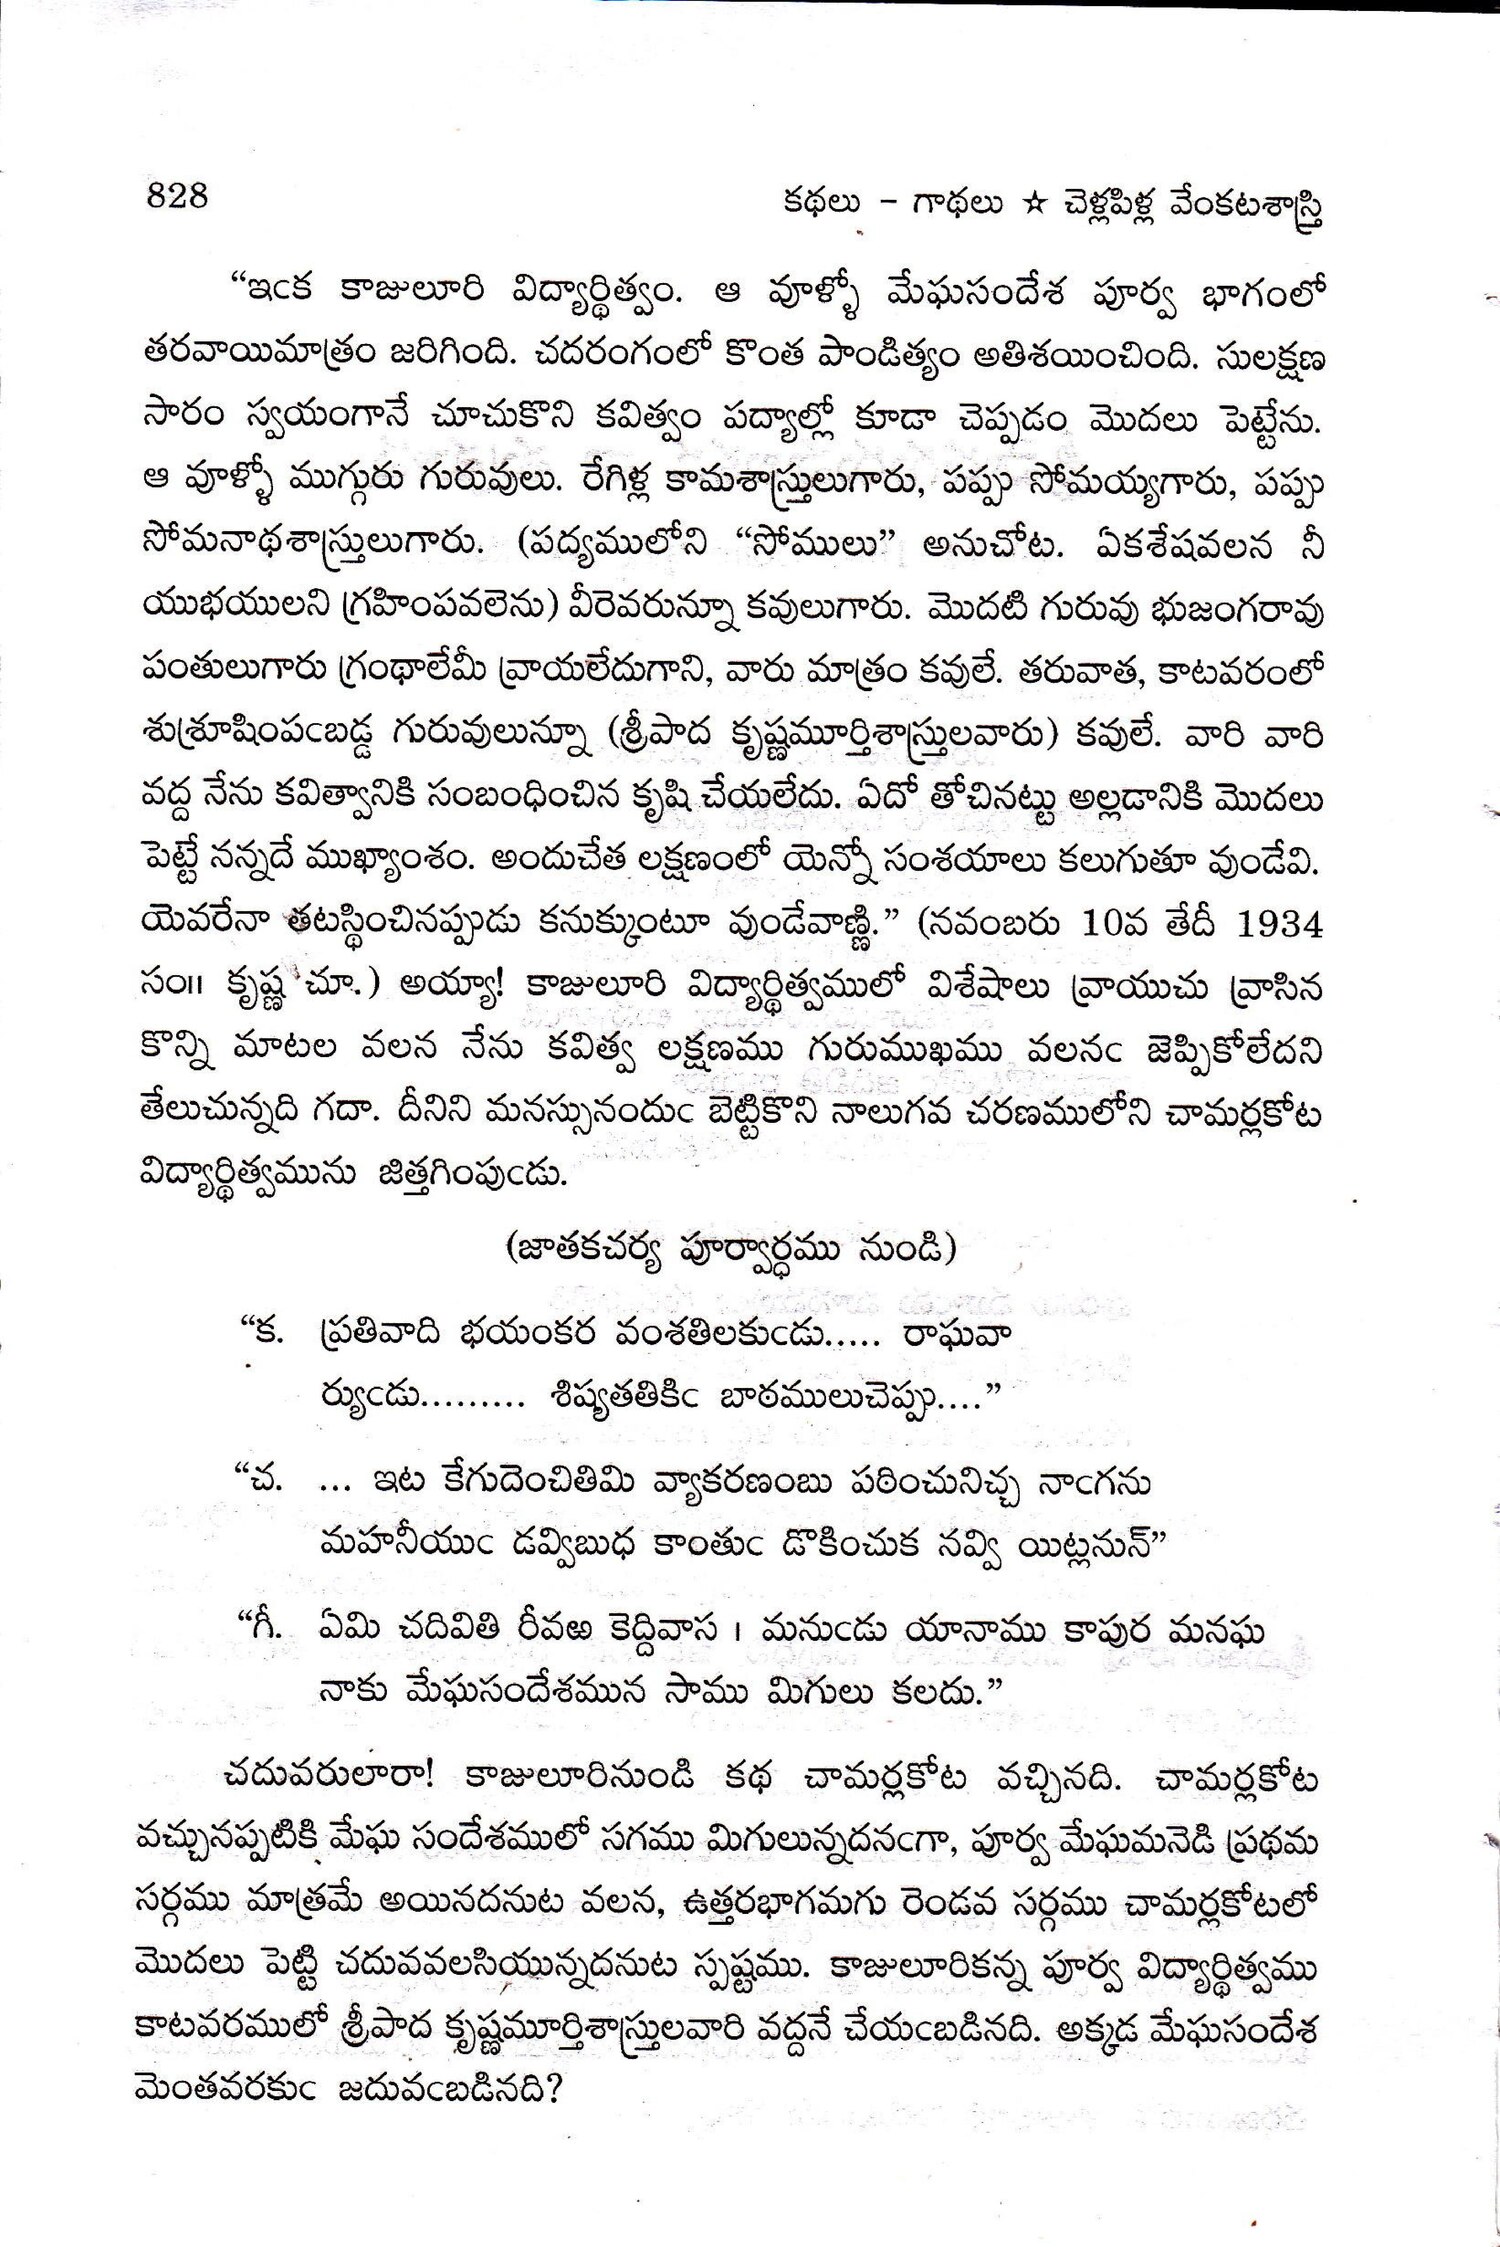“ఇఁక కాజులూరి విద్యార్ధిత్వం. ఆ వూళ్ళో మేఘసందేశ పూర్వ భాగంలో తరవాయిమాత్రం జరిగింది. చదరంగంలో కొంత పాండిత్యం అతిశయించింది. సులక్షణ సారం స్వయంగానే చూచుకొని కవిత్వం పద్యాల్లో కూడా చెప్పడం మొదలు పెట్టేను. ఆ వూళ్ళో ముగ్గురు గురువులు. రేగిళ్ల కామశాస్త్రులుగారు, పప్పు సోమయ్యగారు, పప్పు సోమనాథశాస్త్రులుగారు. (పద్యములోని “సోములు" అనుచోట. ఏకశేషవలన నీ యుభయులని గ్రహింపవలెను) వీరెవరున్నూ కవులుగారు. మొదటి గురువు భుజంగరావు పంతులుగారు గ్రంథాలేమీ వ్రాయలేదుగాని, వారు మాత్రం కవులే. తరువాత, కాటవరంలో శుశ్రూషింపఁబడ్డ గురువులున్నూ (శ్రీపాద కృష్ణమూర్తిశాస్త్రులవారు) కవులే. వారి వారి వద్ద నేను కవిత్వానికి సంబంధించిన కృషి చేయలేదు. ఏదో తోచినట్టు అల్లడానికి మొదలు పెట్టే నన్నదే ముఖ్యాంశం. అందుచేత లక్షణంలో యెన్నో సంశయాలు కలుగుతూ వుండేవి. యెవరేనా తటస్థించినప్పుడు కనుక్కుంటూ వుండేవాణ్ణి." (నవంబరు 10వ తేదీ 1934 సం!! కృష్ణ చూ.) అయ్యా! కాజులూరి విద్యార్ధిత్వములో విశేషాలు వ్రాయుచు వ్రాసిన కొన్ని మాటల వలన నేను కవిత్వ లక్షణము గురుముఖము వలనఁ జెప్పికోలేదని తేలుచున్నది గదా. దీనిని మనస్సునందుఁ బెట్టికొని నాలుగవ చరణములోని చామర్లకోట విద్యార్ధిత్వమును జిత్తగింపుఁడు.

"క. ప్రతివాది భయంకర వంశతిలకుఁడు..... రాఘవా 
 ర్యుఁడు........ శిష్యతతికిఁ బాఠములుచెప్పు...."

"చ. . ఇట కేగుదెంచితిమి వ్యాకరణంబు పఠించునిచ్చ నాఁగను
 మహనీయుఁ డవ్విబుధ కాంతుఁ డొకించుక నవ్వి యిట్లనున్”

“గీ. ఏమి చదివితి రీవఱ కెద్దివాస | మనుఁడు యానాము కాపుర మనఘ
 నాకు మేఘసందేశమున సాము మిగులు కలదు.”
చదువరులారా! కాజులూరినుండి కథ చామర్లకోట వచ్చినది. చామర్లకోట వచ్చునప్పటికి మేఘ సందేశములో సగము మిగులున్నదనఁగా, పూర్వ మేఘమనెడి ప్రథమ సర్గము మాత్రమే అయినదనుట వలన, ఉత్తరభాగమగు రెండవ సర్గము చామర్లకోటలో మొదలు పెట్టి చదువవలసియున్నదనుట స్పష్టము. కాజులూరికన్న పూర్వ విద్యార్ధిత్వము కాటవరములో శ్రీపాద కృష్ణమూర్తిశాస్త్రులవారి వద్దనే చేయఁబడినది. అక్కడ మేఘసందేశ మెంతవరకుఁ జదువఁబడినది?